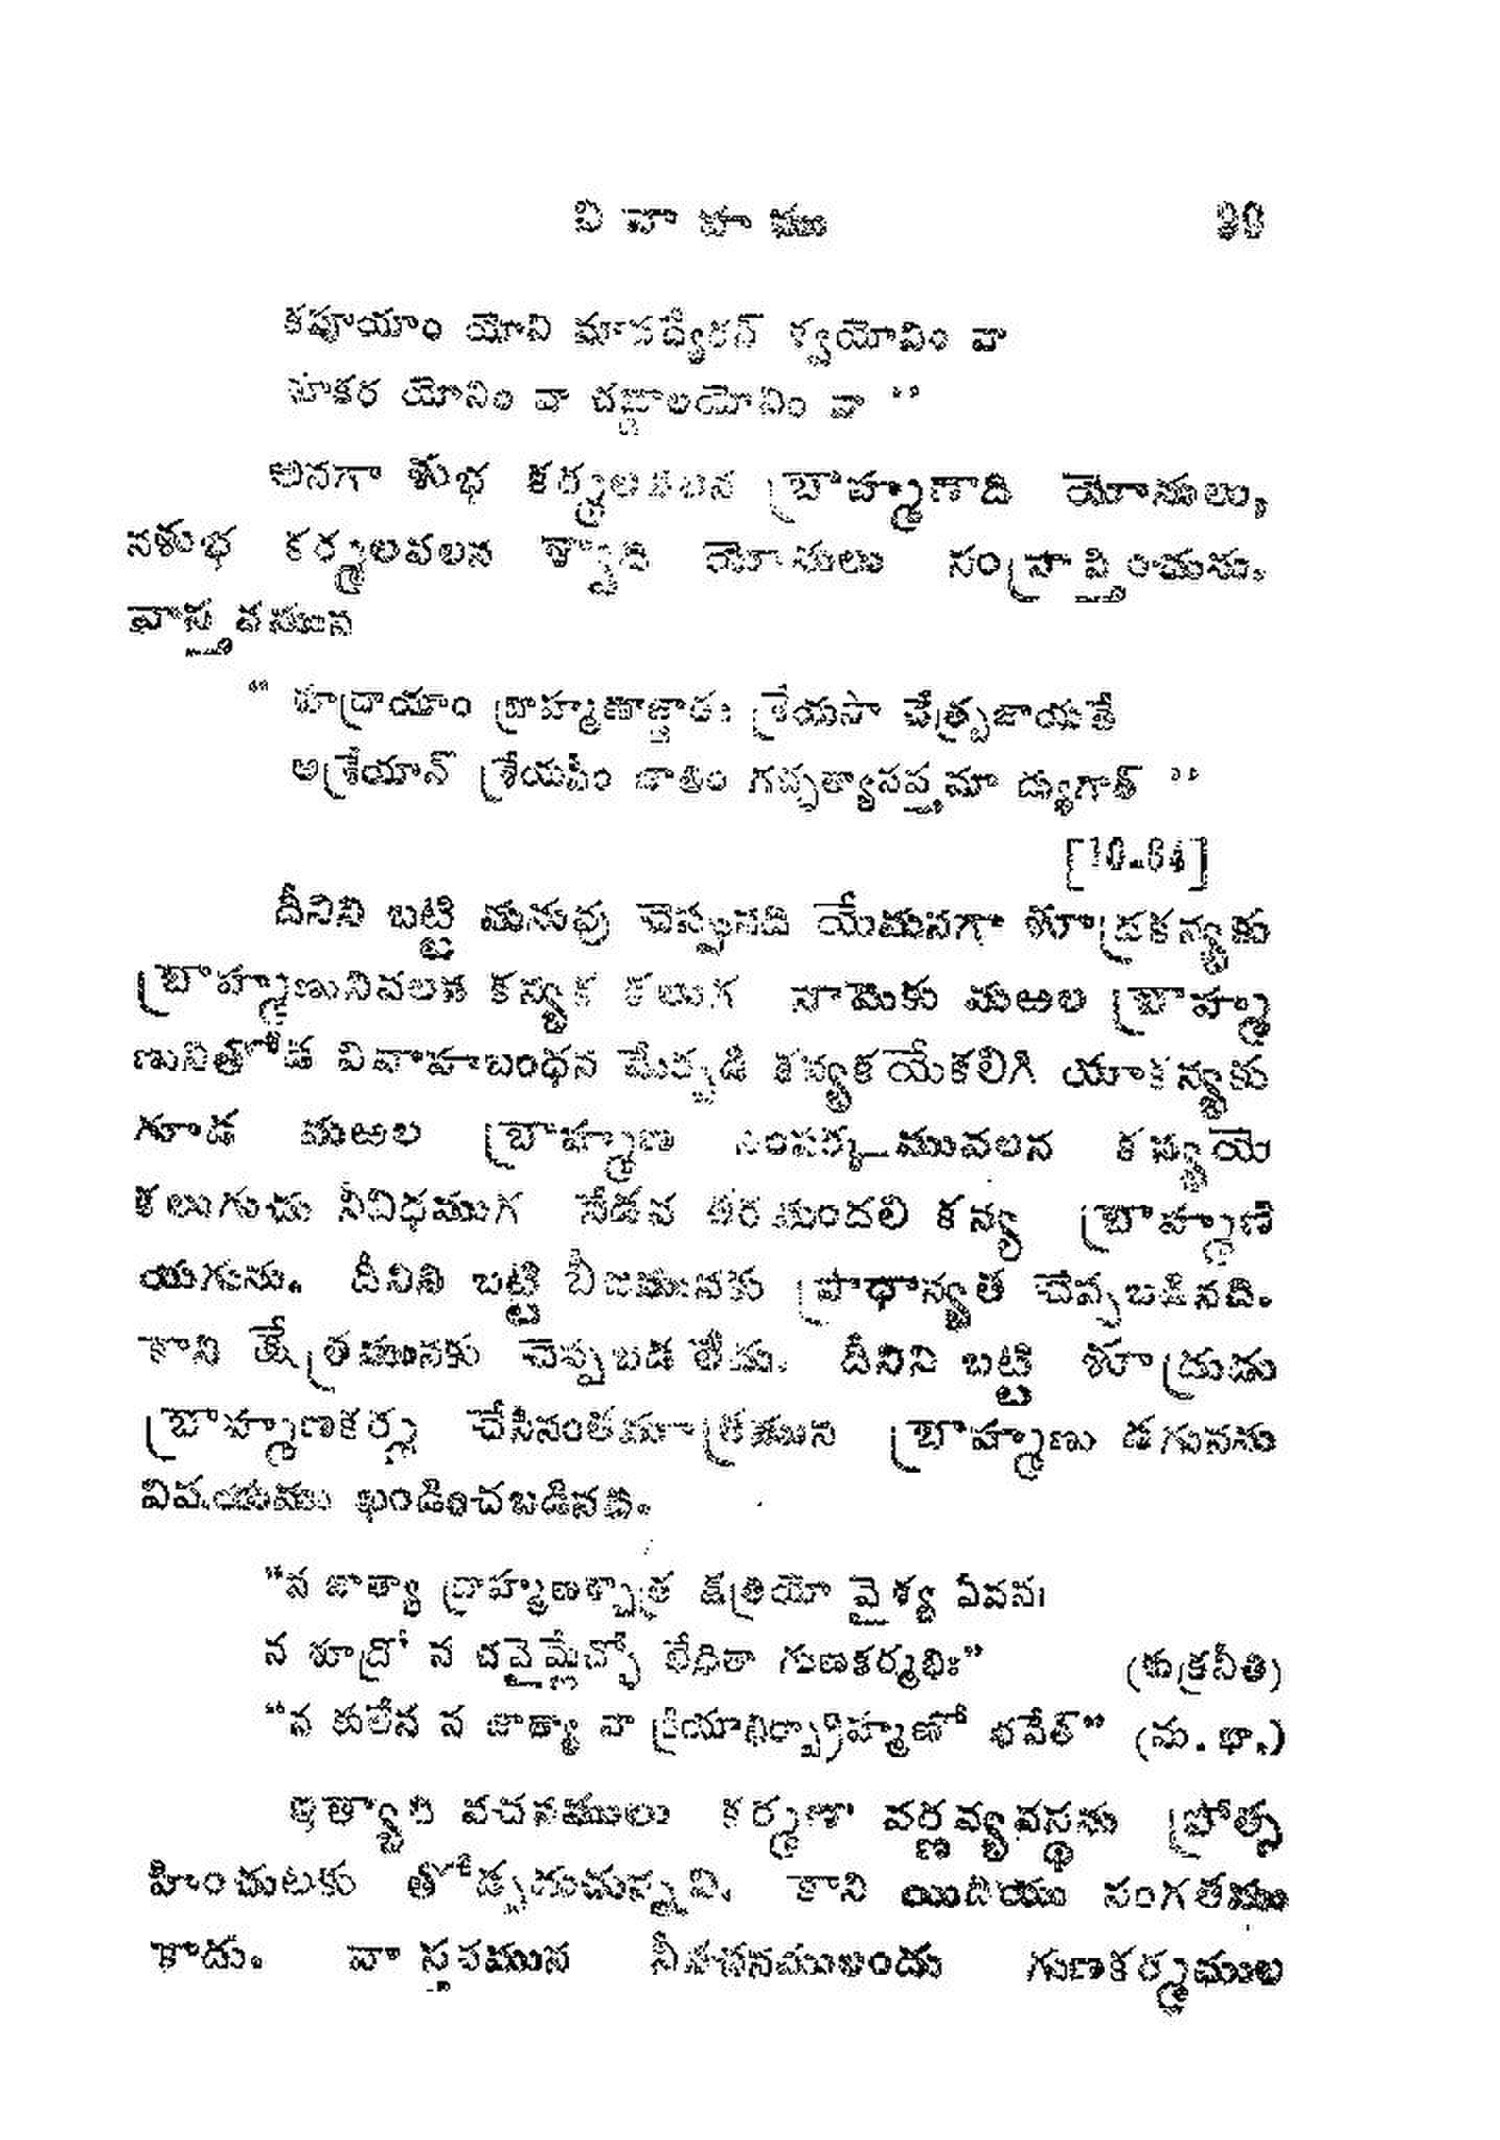కపూయాం యోని మాదద్యేరన్ శ్వయోనిం వా
 సూకర యోనిం వా చణ్డాలయోనిం వా "
 
అనగా శుభ కర్మలవలన బ్రాహ్మణాది యోనులు,
నశుభ కర్మలవలన శ్యాధి యోనులు సంప్రాప్తించును.
వాస్తవమున 

 "శూద్రాయాం బ్రాహ్మణా జ్జాతః శ్రేయసా చేత్ప్రజాయతే
 అశ్రేయాన్ శ్రేయసీం జాతిం గచ్ఛత్యాసప్తమా ద్యుగాత్ 
 [10-64]
 
దీనిని బట్టి మనువు చెప్పునది మేమనగా శూద్రకన్యకు
బ్రాహ్మణునివల కన్యక కలుగ నామెకు మఱల బ్రాహ్మణునితోడ 
వివాహబంధన మేర్పడి కన్యక యేకలిగి యాకన్యకు
మఱల బ్రాహ్మణ సంపర్కమువలన కన్యయే కలుగుచు 
నీవిధముగ నేడవ తరముందలి కన్య బ్రాహ్మణి యగును 
దీనిని బట్టి బీజమునకు ప్రాధాన్యత చెప్పబడినది. 
కాని క్షేత్రమునకు చెప్పబడ లేదు. దీనిని బట్టి శూద్రుడు
బ్రాహ్మణకర్మ చేసినంతమాత్రమున బ్రాహ్మణు డగునను
విషయము ఖండించబడినది.

"న జాత్యా బ్రాహ్మణశ్చాత్ర క్షత్రియో వైశ్య ఏవన
న శూద్రో న చవైమ్లేచ్ఛో భేదితా గుణకర్మభిః" (శుక్రనీతి)

"న కులేన న జాత్యా వా క్రియాభిబ్రాహ్మణో భవేత్ " (మ.భా.)

ఇత్యాది వచనములు కర్మణా వర్ణవ్యవస్థను ప్రోత్సహించుటకు 
తోడ్పడుచున్నవి. కాని యిదియు సంగతము కాదు. వాస్తవమున 
నీవచనములందు గుణకర్మముల